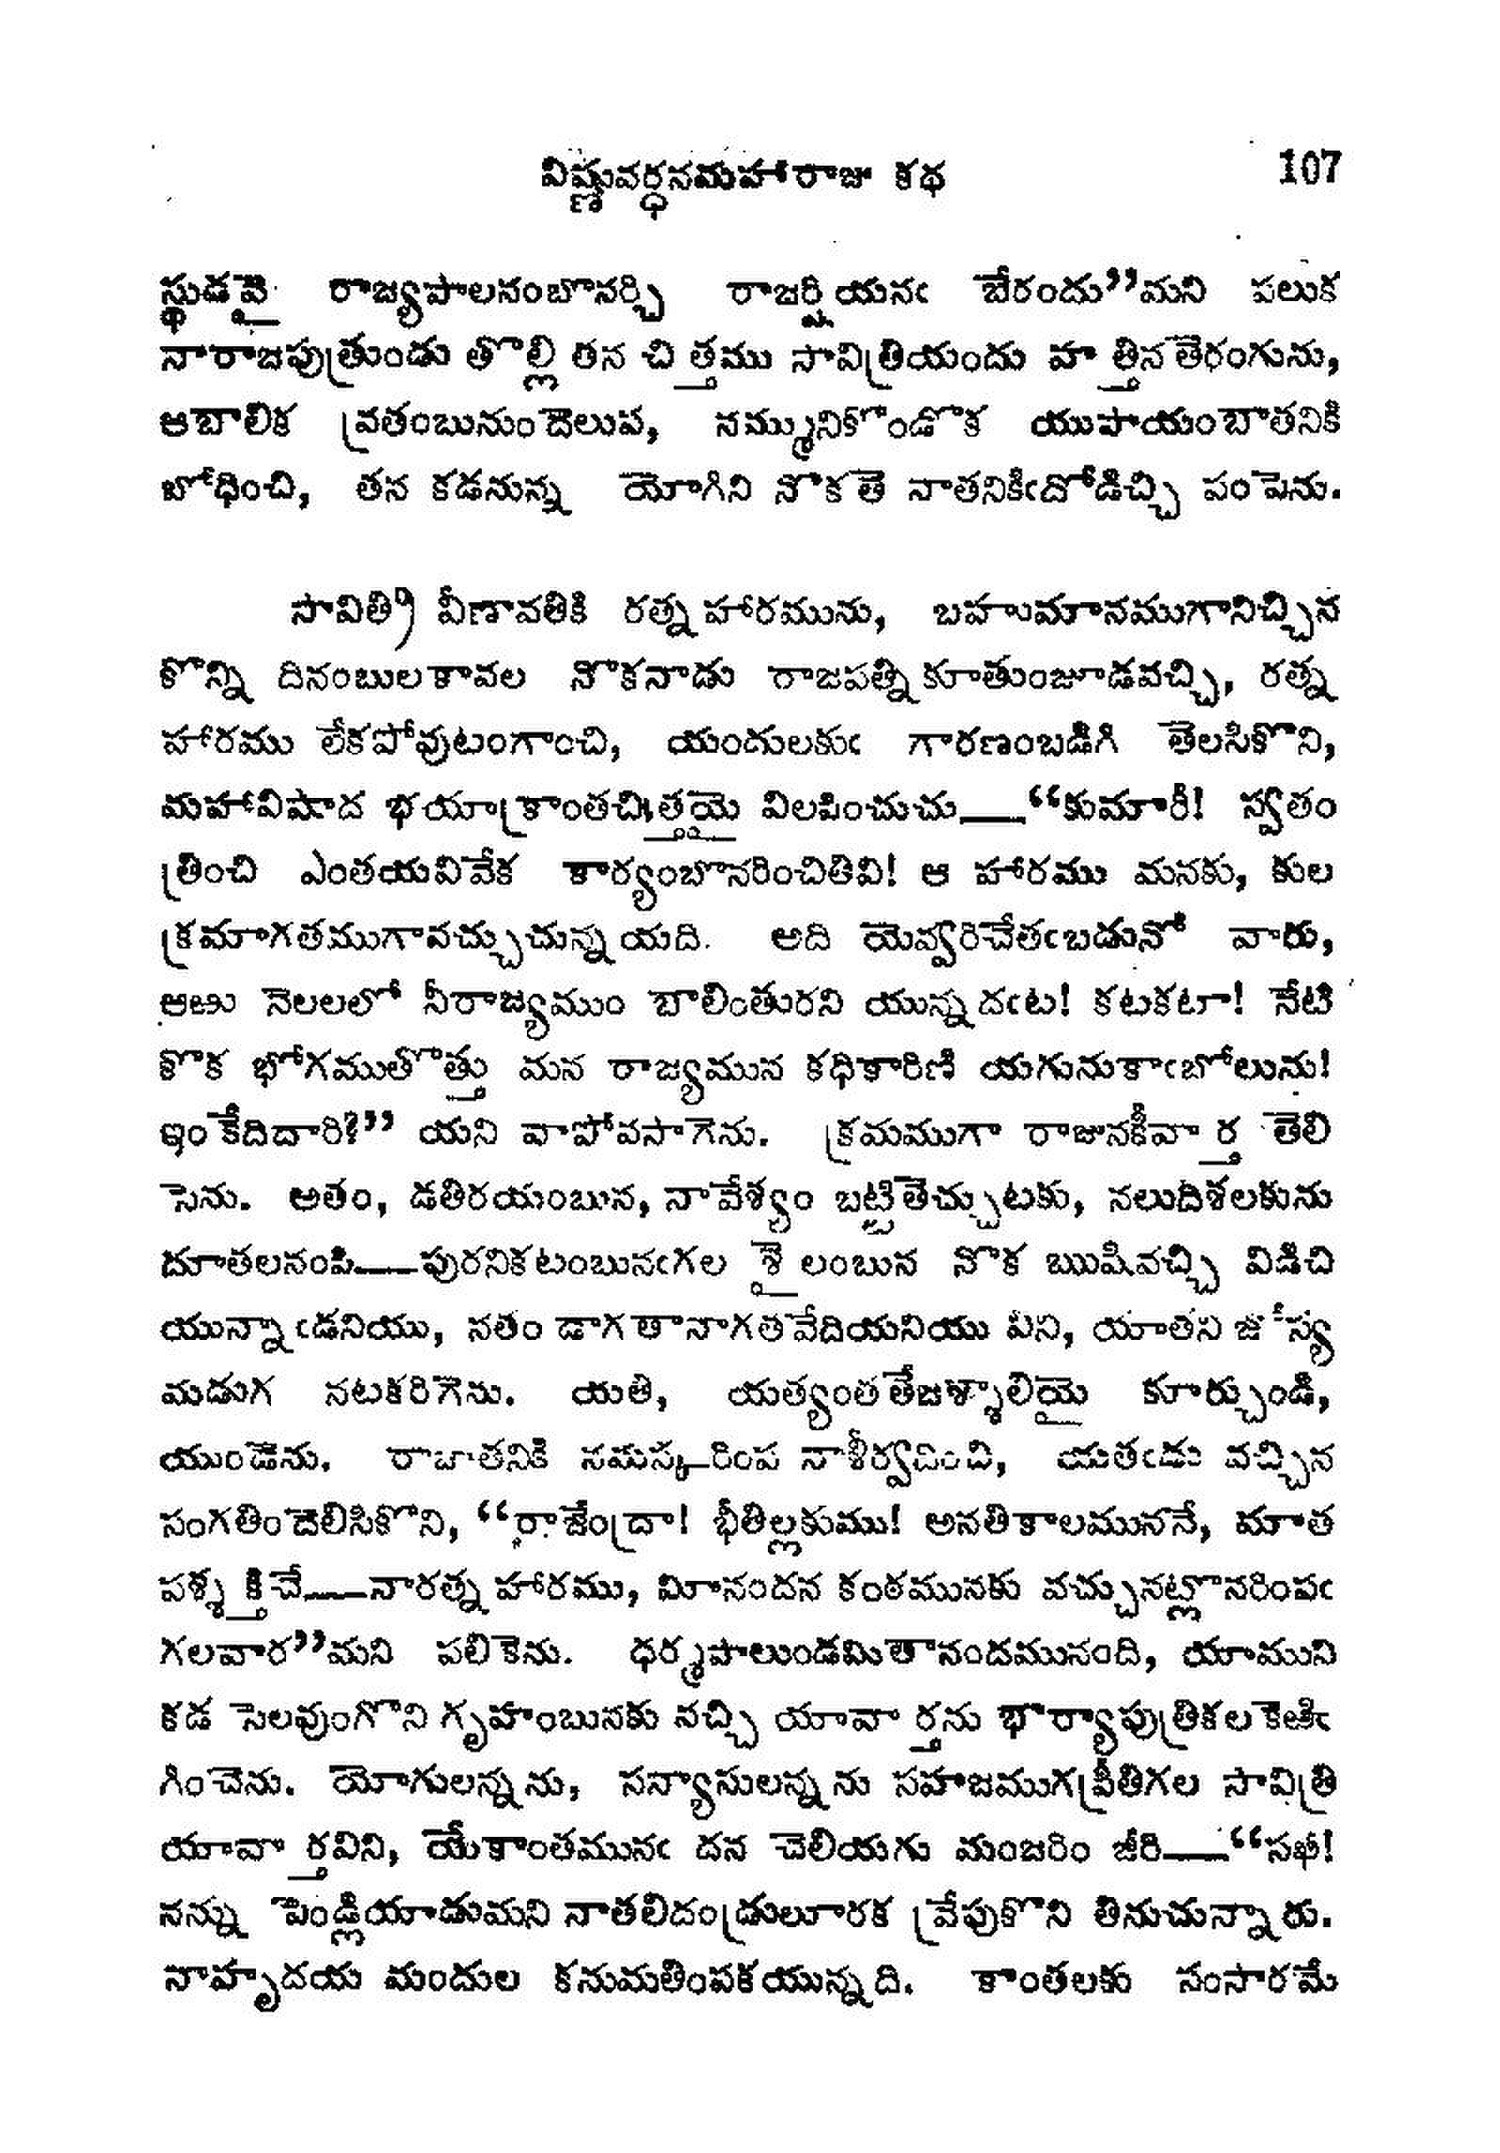స్థుడవై రాజ్యపాలనంబొనర్చి రాజర్షి యనఁ బేరందు"మని పలుక నా రాజపుత్రుండు తొల్లి తన చిత్తము సావిత్రియందు హత్తిన తెరంగును, ఆబాలిక వ్రతంబునుం దెలుప, నమ్మునికొండొక యుపాయం బాతనికి బోధించి, తన కడనున్న యోగిని నొకతె నాతనికిఁదోడిచ్చి పంపెను.

సావిత్రి వీణావతికి రత్నహారమును, బహుమానముగానిచ్చిన కొన్ని దినంబుల కావల నొకనాడు రాజపత్ని కూతుం జూడవచ్చి, రత్నహారము లేకపోవుటంగాంచి, యందులకుఁ గారణంబడిగి తెలసికొని, మహావిహద భయాక్రాంతచిత్తయై విలపించుచు——"కుమారీ! స్వతంత్రించి ఎంతయవివేక కార్యంబొనరించితివి! ఆ హారము మనకు, కులక్రమాగతముగా వచ్చుచున్నయది. అది యెవ్వరిచేతఁబడునో వారు, ఆఱు నెలలలో నీ రాజ్యముం బాలింతురని యున్నదఁట! కటకటా! నేటి కొక భోగముతొత్తు మన రాజ్యమున కధికారిణి యగును కాఁబోలును! ఇంకేదిదారి?” యని వాపోవసాగెను. క్రమముగా రాజునకీవార్త తెలిసెను. అతం, డతిరయంబున, నావేశ్యం బట్టి తెచ్చుటకు, నలుదిశలకును దూతలనంపి—— పురనికటంబునఁగల శైలంబున నొక ఋషివచ్చి విడిచి యున్నాఁడనియు, నతం డాగతానాగతవేదియనియు విని, యాతని జోస్యమడుగ నటకరిగెను. యతి, యత్యంత తేజశ్ళాలియై కూర్చుండి, యుండెను. రాజాతనికి నమస్కరింప నాశీర్వదించి, యతఁడు వచ్చిన సంగతిం దెలిసికొని, “రాజేంద్రా! భీతిల్లకుము! అనతి కాలముననే, మాతపశ్శక్తి చే——నారత్నహారము, మీనందన కంఠమునకు వచ్చునట్లోనరింప గలవార"మని పలికెను. ధర్మపాలుండమితానందమునంది, యాముని కడ సెలవుంగొని గృహంబునకు వచ్చి యావార్తను భార్యాపుత్రికల కెఱిఁగించెను. యోగులన్నను, సన్యాసులన్నను సహజముగ ప్రీతిగల సావిత్రి యావార్తవిని, యేకాంతమునఁ దన చెలియగు మంజరిం జీరి "సఖీ! నన్ను పెండ్లియాడుమని నాతలిదండ్రులూరక వ్రేపుకొని తినుచున్నారు. నాహృదయ మందుల కనుమతింపకయున్నది. కాంతలకు సంసారమే